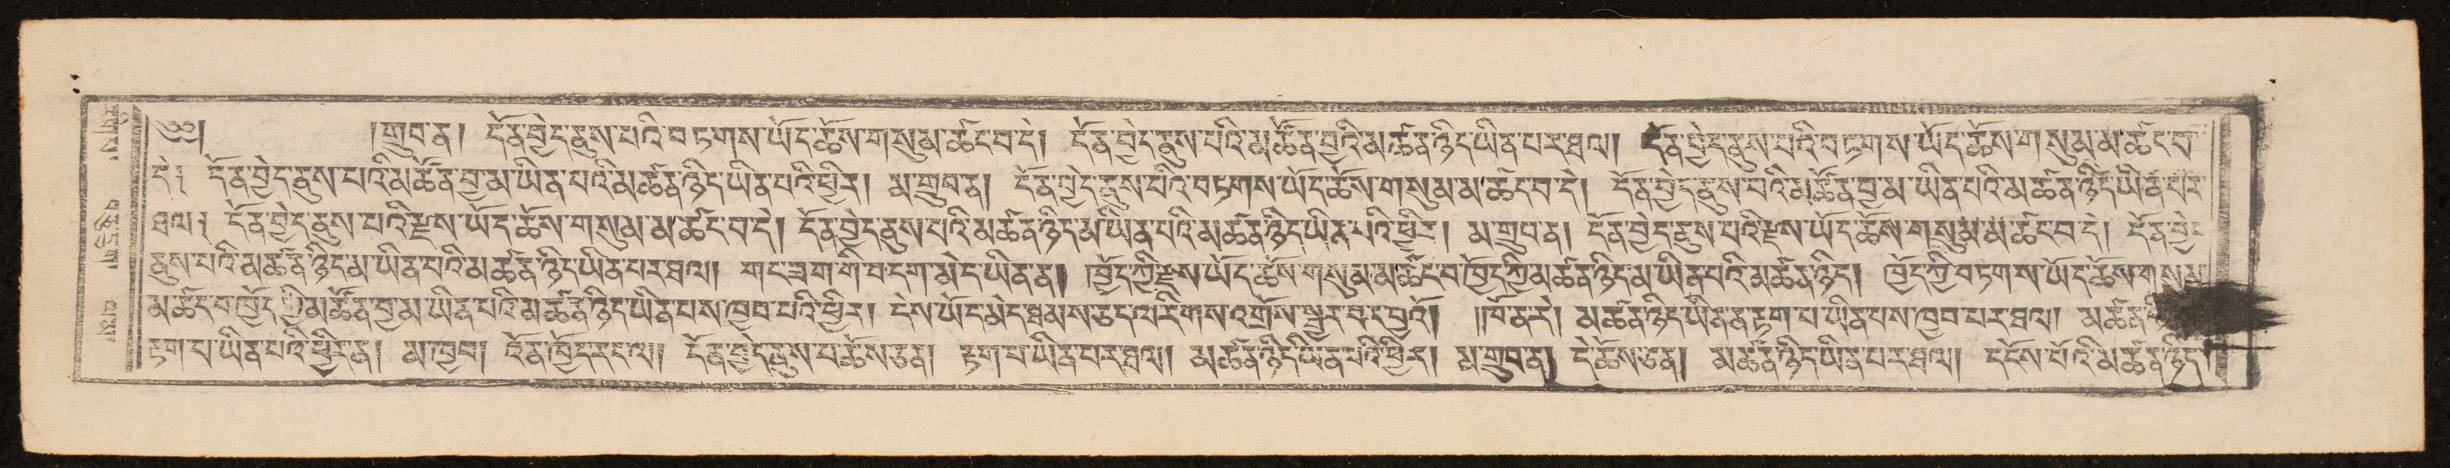ན། དོན་བྱེད་ནུས་པའི་བཏགས་ཡོད་ཆོས་གསུམ་ཚང་བ་དེ། དོན་བྱེད་ནུས་པའི་མཚོན་བྱའི་མཚན་ཉིད་ཡིན་པར་ཐལ། དོན་བྱེད་ནུས་པའི་བཏགས་ཡོད་ཆོས་གསུམ་མ་ཚང་བ་
དེ། དོན་བྱེད་ནུས་པའི་མཚོན་བྱ་མ་ཡིན་པའི་མཚན་ཉིད་ཡིན་པའི་ཕྱིར། མ་གྲུབ་ན། དོན་བྱེད་ནུས་པའི་བཏགས་ཡོད་ཆོས་གསུམ་མ་ཚང་བ་དེ། དོན་བྱེད་ནུས་པའི་མཚོན་བྱ་མ་ཡིན་པའི་མཚན་ཉིད་ཡིན་པར་
ཐལ། དོན་བྱེད་ནུས་པའི་རྫས་ཡོད་ཆོས་གསུམ་མ་ཚང་བ་དེ། དོན་བྱེད་ནུས་པའི་མཚན་ཉིད་མ་ཡིན་པའི་མཚན་ཉིད་ཡིན་པའི་ཕྱིར། མ་གྲུབ་ན། དོན་བྱེད་ནུས་པའི་རྫས་ཡོད་ཆོས་གསུམ་མ་ཚང་བ་དེ། དོན་བྱེད་
ནུས་པའི་མཚན་ཉིད་མ་ཡིན་པའི་མཚན་ཉིད་ཡིན་པར་ཐལ། གང་ཟག་གི་བདག་མེད་ཡིན་ན། ཁྱོད་ཀྱི་རྫས་ཡོད་ཆོས་གསུམ་མ་ཚང་བ་ཁྱོད་ཀྱི་མཚན་ཉིད་མ་ཡིན་པའི་མཚན་ཉིད། ཁྱོད་ཀྱི་བཏགས་ཡོད་ཆོས་གསུམ་
མ་ཚང་བ་ཁྱོད་ཀྱི་མཚོན་བྱ་མ་ཡིན་པའི་མཚན་ཉིད་ཡིན་པས་ཁྱབ་པའི་ཕྱིར། དེས་ཡོད་མེད་ཐམས་ཅད་ལ་རིགས་འགྲོས་སྦྱར་བར་བྱའོ། །ཁོ་ན་རེ། མཚན་ཉིད་ཡིན་ན་རྟག་པ་ཡིན་པས་ཁྱབ་པར་ཐལ། མཚན་ཉིད་
རྟག་པ་ཡིན་པའི་ཕྱིར་ན། མ་ཁྱབ། འོ་ན་ཁྱོད་རང་ལ། དོན་བྱེད་ནུས་པ་ཆོས་ཅན། རྟག་པ་ཡིན་པར་ཐལ། མཚན་ཉིད་ཡིན་པའི་ཕྱིར། མ་གྲུབ་ན། དེ་ཆོས་ཅན། མཚན་ཉིད་ཡིན་པར་ཐལ། དངོས་པོའི་མཚན་ཉིད་